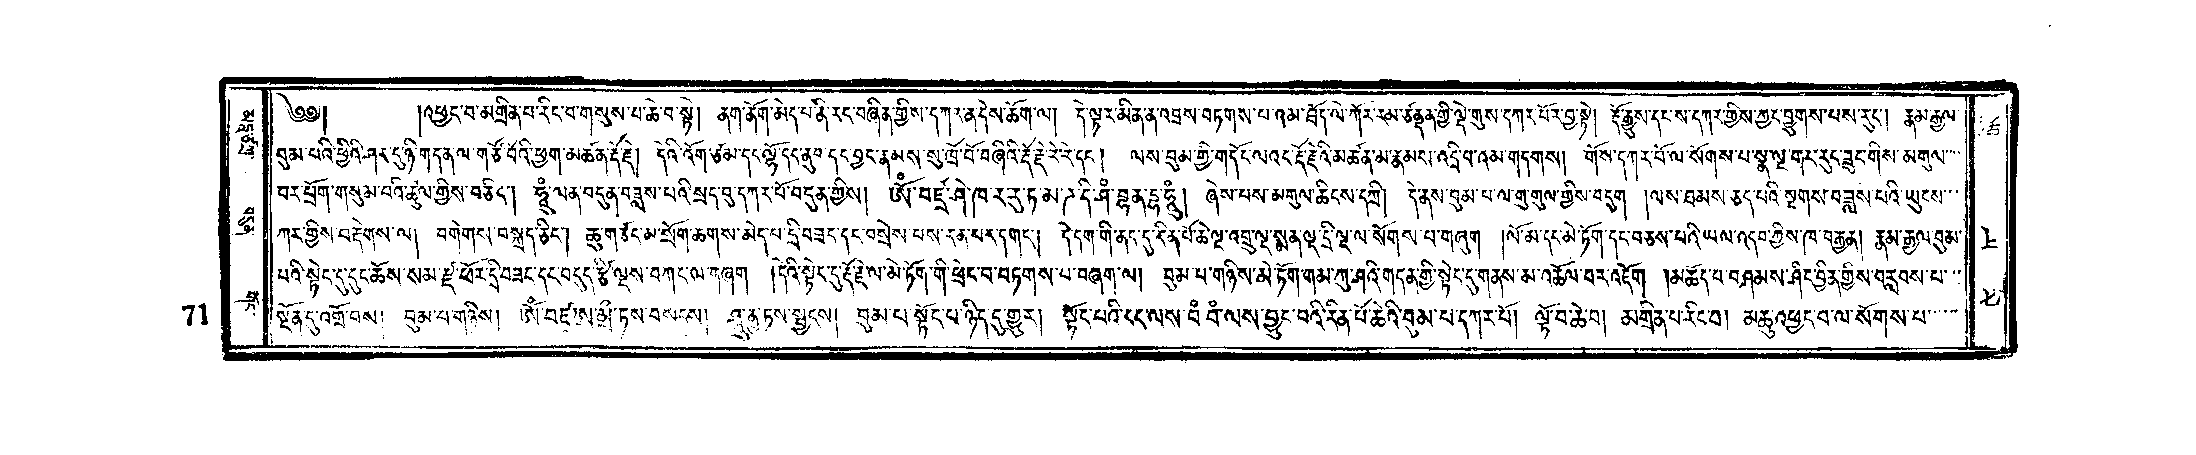༄༅། །འཕྱང་བ་མགྲིན་པ་རིང་བ་གསུས་པ་ཆེ་བ་སྟེ། ནག་ནོག་མེད་པ་ནི་རང་བཞིན་གྱིས་དཀར་ན་དེས་ཆོག་ལ། དེ་ལྟར་མིན་ན་འབྲས་བཏགས་པ་འམ་ཐོད་ལེ་ཀོར་རམ་ཙནྡན་གྱི་ལྡེ་གུས་དཀར་པོར་བྱ་སྟེ། རྡོ་རྒྱུས་དང་ས་དཀར་གྱིས་ཀྱང་བྱུགས་པས་རུང་། རྣམ་རྒྱལ་
བུམ་པའི་ཕྱིའི་ཤར་དུ་ཉི་གདན་ལ་གཙོ་བོའི་ཕྱག་མཚན་རྡོ་རྗེ། དེའི་འོག་ཙམ་དང་ལྷོ་དང་ནུབ་དང་བྱང་རྣམས་སུ་ཁྲོ་བོ་བཞིའི་རྡོ་རྗེ་རེ་རེ་དང་། ལས་བུམ་གྱི་གདོང་ལའང་རྡོ་རྗེའི་མཚན་མ་རྣམས་འདྲི་བ་འམ་གདགས། གོས་དཀར་པོ་ལ་སོགས་པ་སྣ་ལྔ་གང་རུང་ཟུང་གིས་མགུལ་
བར་པྲོག་གསུམ་པའི་ཚུལ་གྱིས་བཅིང་། ཧཱུཾ་ལན་བདུན་བཟླས་པའི་སྲད་བུ་དཀར་པོ་བདུན་གྱིས། ཨོཾ་བཛྲ་ཤེ་ཁ་ར་རུ་ཏ་མ་ཌ་དི་ཤཾ་བྷན་དྷ་ཧཱུཾ། ཞེས་པས་མགུལ་ཆིངས་དཀྲི། དེ་ནས་བུམ་པ་ལ་གུ་གུལ་གྱིས་བདུག །ལས་ཐམས་ཅད་པའི་སྔགས་བཟླས་པའི་ཡུངས་
ཀར་གྱིས་བརྡེགས་ལ། བགེགས་བསྐྲད་ཅིང་། ཆུ་གཙང་མ་སྲོག་ཆགས་མེད་པ་དྲི་བཟང་དང་བསྲེས་པས་རན་པར་དགང་། དེ་དག་གི་ནང་དུ་རིན་པོ་ཆེ་ལྔ་འབྲུ་ལྔ་སྨན་ལྔ་དྲི་ལྔ་ལ་སོགས་པ་གཞུག །ལོ་མ་དང་མེ་ཏོག་དང་བཅས་པའི་ཡལ་འདབ་ཀྱིས་ཁ་བརྒྱན། རྣམ་རྒྱལ་བུམ་
པའི་སྟེང་དུ་དུང་ཆོས་སམ་རྫ་ཕོར་དྲི་བཟང་དང་བདུད་རྩི་ལྔས་བཀང་ལ་གཞག །དེའི་སྟེང་དུ་རྡོ་རྗེ་ལ་མེ་ཏོག་གི་ཕྲེང་བ་བཏགས་པ་བཞག་ལ། བུམ་པ་གཉིས་མེ་ཏོག་གམ་ཀུ་ཤའི་གདན་གྱི་སྟེང་དུ་གནས་མ་འཆོལ་བར་འཇོག །མཆོད་པ་བཤམས་ཤིང་བྱིན་གྱིས་བརླབས་པ་
སྔོན་དུ་འགྲོ་བས། བུམ་པ་གཉིས། ཨོཾ་བཛྲ་ཨ་མྲྀ་ཏས་བསངས། ཤཱུ་ནྱ་ཏས་སྦྱངས། བུམ་པ་སྟོང་པ་ཉིད་དུ་གྱུར། སྟོང་པའི་ངང་ལས་བཾ་བཾ་ལས་བྱུང་བའི་རིན་པོ་ཆེའི་བུམ་པ་དཀར་པོ། ལྟོ་བ་ཆེ་བ། མགྲིན་པ་རིང་བ། མཆུ་འཕྱང་བ་ལ་སོགས་པ་